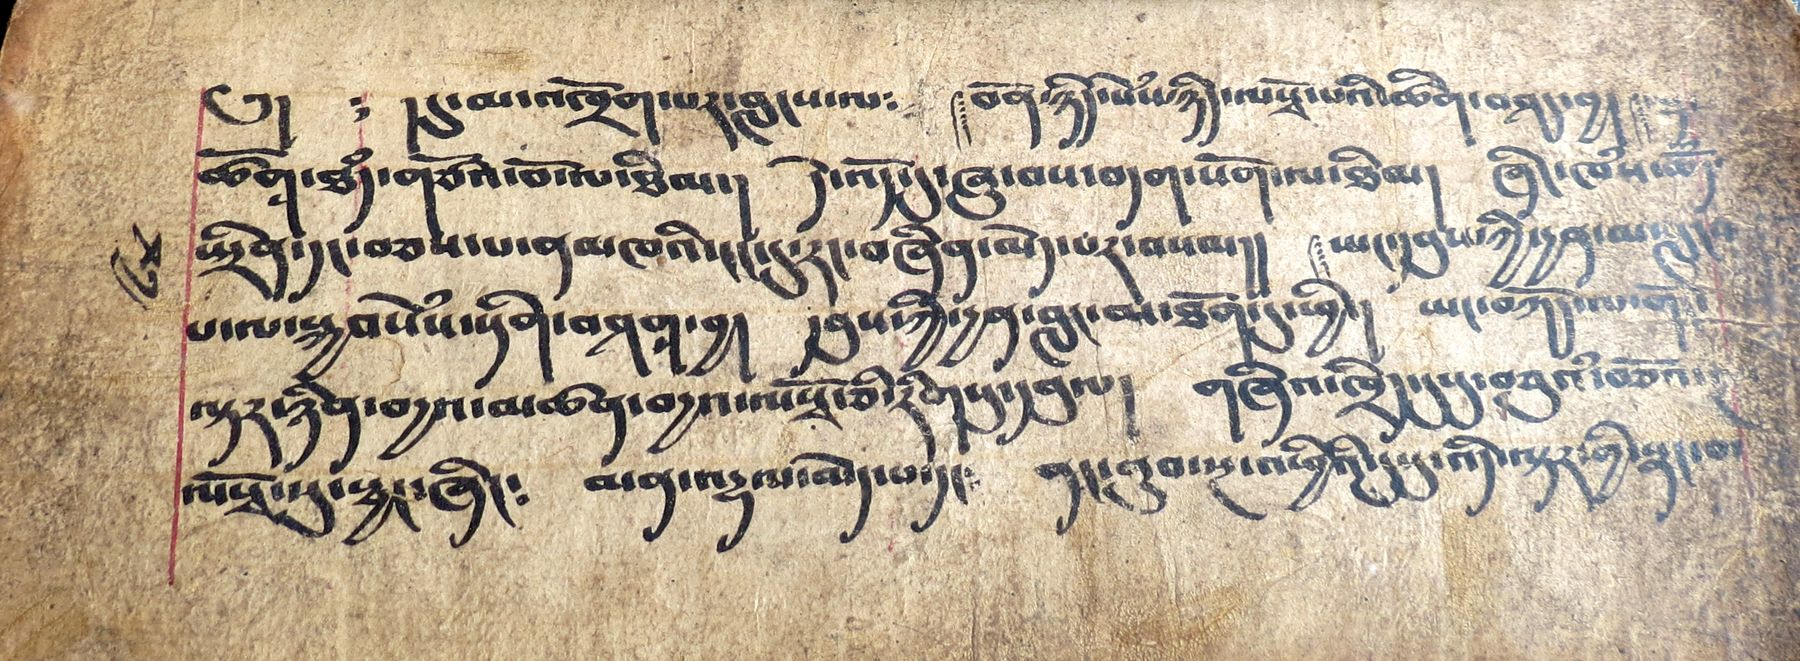དུ་མ་འཁྲོག་པར་བླང་ལ། བོན་ཉིད་སེམས་ཉིད་ལ་སོགས་པའི་ཚིག་བཤད་བྱ། ལྷ་
ཚོགས་ཐམས་ཅད་གཙོ་བོ་ལ་ཐིམ། དེ་འོད་དུ་ཞུ་བས་བདག་སོགས་ལ་ཐིམ། ཞིང་ཁམས་མཆོད་
སྤྲིན་དང་ཆས་པ་ནམ་མཁའི་ངང་དུ་རང་བཞིན་མེད་པར་བསམ། ཡང་དབུས་ཀྱི་རྒྱན་མ་བླངས་
པ་ལ། སྐྱབས་སེམས་སྡིག་བཤགས་བྱ། དབུས་ཀྱི་རྒྱུན་བླངས་མ་ཐག་ཏུ་ཕྱི། ཡང་བཀོད་ལ་གོང་
ལྟར་ཉིན་བརྒྱ་མཚན་བརྒྱ་ལ་སོགས་ཅི་རིགས་སུ་འབུལ། གཞི་ཁྲིད་དུས་སུ་བཅུ་བཅོ་ལྔ་
ལ་སོགས་སུ་སྦྱང་ཞིང་། མ་འདལ་མེད་པ་དང་ནང་སྔ་ནུབ་ཕྱིའི་དུས་འདི་ལྟར་གྱི་སྣང་བ་